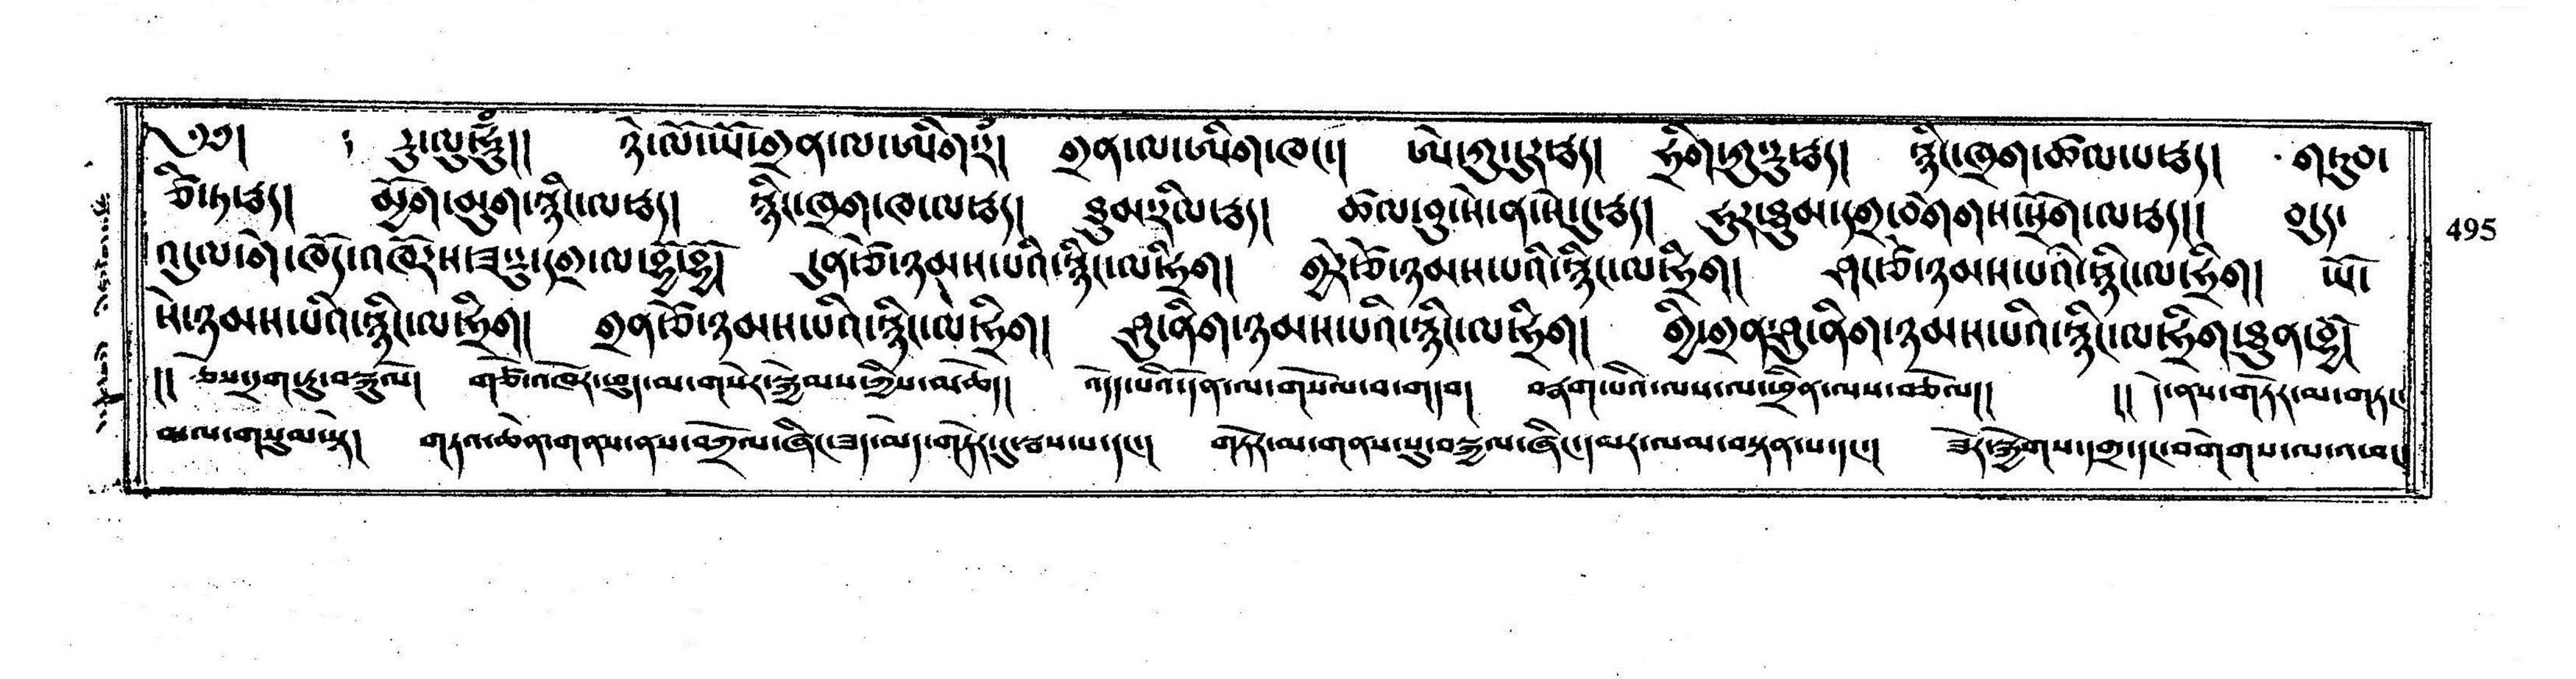རུ་ལུ་ཧཱུྃ།། ཉེ་ལོ་ཡོ་གྲན་ལ་ཨིག་རཾ། གྲན་ལ་ཨིག་ཁང་། ཨེ་ཀུ་དུར་རྦད། ཧྲིག་ཀུ་རུ་རྦད། སྙིང་ཁྲག་ཚལ་པ་རྦད། གཏུབ་
ཙི་ཏ་རྦད། མྱོག་མུག་སྙིང་ལ་རྦད། སྙིང་ཁྲག་ཁ་ལ་རྦད། ཐུམ་རིལ་རྦད། ཚལ་བུ་སེ་ན་སེ་དུ་རྦད། ཧུར་ཐུམ་དགྲ་བགེགས་སྲོག་ལ་རྦད།། བདུད་
འདུལ་གེ་ཁོད་འཁོར་བཅས་ཟ་རུ་དགྲ་ལ་བྷྱོ་བྷྱོ། དུན་ཙེ་ཉམས་པའི་སྙིང་ལ་ཧྲིག །གྱེར་ཙེ་ཉམས་{509}པའི་སྙིང་ལ་ཧྲིག ཤང་ཙེ་ཉམས་པའི་སྙིང་ལ་ཧྲིག ཡོ་
སེ་ཉམས་པའི་སྙིང་ལ་ཧྲིག གྲན་ཙེ་ཉམས་པའི་སྙིང་ལ་ཧྲིག ཤུ་ནིག་ཉམས་པའི་སྙིང་ལ་ཧྲིག གྱི་གྲན་ཤུ་ནིག་ཉམས་པའི་སྙིང་ལ་ཧྲིག་ཐུན་བྷྱོ།། 
།།ཅེས་དྲག་ཏུ་བསྐུལ་ལོ། གཙོ་འཁོར་ཕུད་མ་གསེར་སྐྱེམས་ཀྱིས་མཆོད། འདོད་པའི་དོན་ལ་གསོལ་བ་གདབ། བརྣག་པའི་ལས་ལ་ཕྲིན་ལས་བཅོལ།། དེ་ནས་གཏོར་མ་གཏང་
བ་ལ་གསུམ་སྟེ། གཏའ་ཆེན་གནས་ནས་བཀྲོལ་ཞིང་ཟད་མེད་གཏེར་དུ་སྦས་པ་དང་། གཏོར་མ་གནས་སུ་བསྐྱལ་ཞིང་དམར་ལམ་བསྟན་པ་དང་། ཟོར་སྐྱོགས་དགྲ་དང་བགེགས་ལ་འཕང་